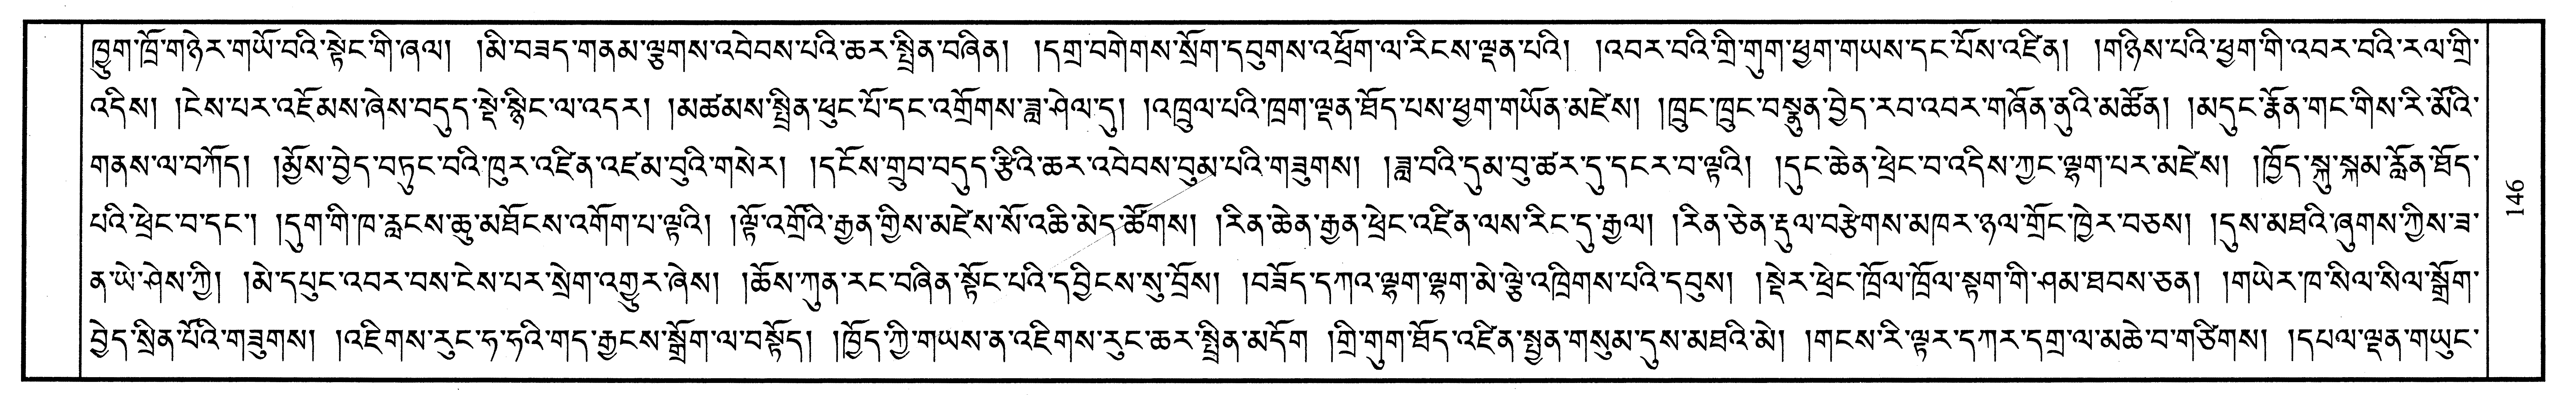ཁྱུག་ཁྲོ་གཉེར་གཡོ་བའི་སྟེང་གི་ཞལ། །མི་བཟད་གནམ་ལྕགས་འབེབས་པའི་ཆར་སྤྲིན་བཞིན། །དགྲ་བགེགས་སྲོག་དབུགས་འཕྲོག་ལ་རིངས་ལྡན་པའི། །འབར་བའི་གྲི་གུག་ཕྱག་གཡས་དང་པོས་འཛིན། །གཉིས་པའི་ཕྱག་གི་འབར་བའི་རལ་གྲི་
འདིས། །ངེས་པར་འཇོམས་ཞེས་བདུད་སྡེ་སྙིང་ལ་འདར། །མཚམས་སྤྲིན་ཕུང་པོ་དང་འགྲོགས་ཟླ་ཤེལ་དུ། །འཁྲུལ་པའི་ཁྲག་ལྡན་ཐོད་པས་ཕྱག་གཡོན་མཛེས། །ཁྲུང་ཁྲུང་བསྣུན་བྱེད་རབ་འབར་གཞོན་ནུའི་མཚོན། །མདུང་རྣོན་གང་གིས་རི་མོའི་
གནས་ལ་བཀོད། །མྱོས་བྱེད་བཏུང་བའི་ཁུར་འཛིན་འཛམ་བུའི་གསེར། །དངོས་གྲུབ་བདུད་རྩིའི་ཆར་འབེབས་བུམ་པའི་གཟུགས། །ཟླ་བའི་དུམ་བུ་ཚར་དུ་དངར་བ་ལྟའི། །དུང་ཆེན་ཕྲེང་བ་འདིས་ཀྱང་ལྷག་པར་མཛེས། །ཁྱོད་སྐུ་སྐམ་རློན་ཐོད་
པའི་ཕྲེང་བ་དང་། །དུག་གི་ཁ་རླངས་ཆུ་མཐོངས་འགོག་པ་ལྟའི། །ལྟོ་འགྲོའི་རྒྱན་གྱིས་མཛེས་སོ་འཆི་མེད་ཚོགས། །རིན་ཆེན་རྒྱན་ཕྲེང་འཛིན་ལས་རིང་དུ་རྒྱལ། །རིན་ཅེན་རྡུལ་བརྩེགས་མཁར་ཉལ་གྲོང་ཁྱེར་བཅས། །དུས་མཐའི་ཞུགས་ཀྱིས་ཟ་
ན་ཡེ་ཤེས་ཀྱི། །མེ་དཔུང་འབར་བས་ངེས་པར་སྲེག་འགྱུར་ཞེས། །ཆོས་ཀུན་རང་བཞིན་སྟོང་པའི་དབྱིངས་སུ་བྲོས། །བཟོད་དཀའ་ལྷག་ལྷག་མེ་ལྕེ་འཁྲིགས་པའི་དབུས། །སྡེར་ཕྲེང་ཁྲོལ་ཁྲོལ་སྟག་གི་ཤམ་ཐབས་ཅན། །གཡེར་ཁ་སིལ་སིལ་སྒྲོག་
བྱེད་སྲིན་པོའི་གཟུགས། །འཇིགས་རུང་ཧ་ཧའི་གད་རྒྱངས་སྒྲོག་ལ་བསྟོད། །ཁྱོད་ཀྱི་གཡས་ན་འཇིགས་རུང་ཆར་སྤྲིན་མདོག །གྲི་གུག་ཐོད་འཛིན་སྤྱན་གསུམ་དུས་མཐའི་མེ། །གངས་རི་ལྟར་དཀར་དགྲ་ལ་མཆེ་བ་གཙིགས། །དཔལ་ལྡན་གཡུང་